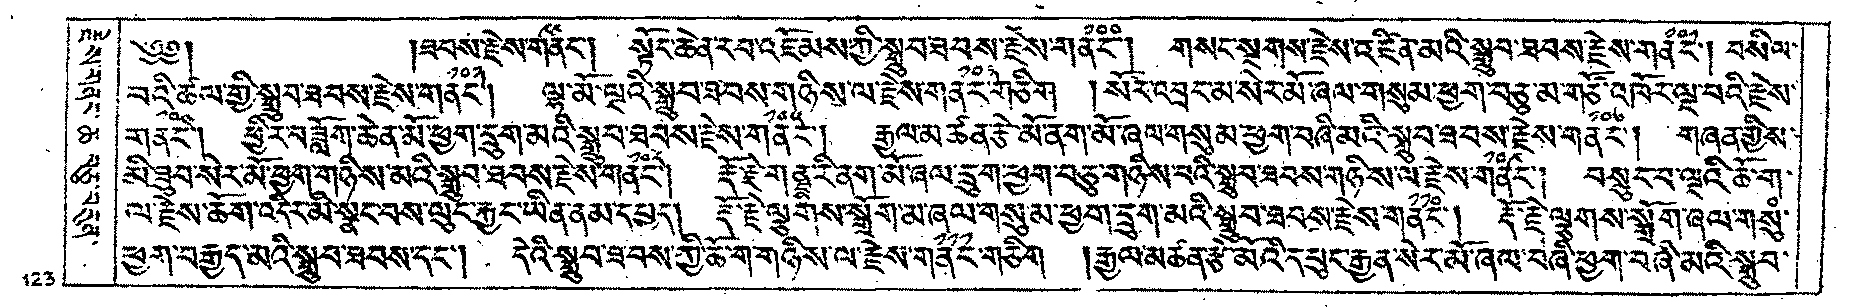༄༅། །ཐབས་རྗེས་གནང ༩༩། སྟོང་ཆེན་རབ་འཇོམས་ཀྱི་སྒྲུབ་ཐབས་རྗེས་གནང ༡༠༠། གསང་སྔགས་རྗེས་འཛིན་མའི་སྒྲུབ་ཐབས་རྗེས་གནང ༡༠༡། བསིལ་
བའི་ཚལ་གྱི་སྒྲུབ་ཐབས་རྗེས་གནང ༡༠༢། ལྷ་མོ་ལྔའི་སྒྲུབ་ཐབས་གཉིས་ལ་རྗེས་གནང ༡༠༣་གཅིག །སོར་འབྲང་མ་སེར་མོ་ཞལ་གསུམ་ཕྱག་བཅུ་མ་གཙོ་འཁོར་ལྔ་པའི་རྗེས་
གནང ༡༠༤། ཕྱིར་བཟློག་ཆེན་མོ་ཕྱག་དྲུག་མའི་སྒྲུབ་ཐབས་རྗེས་གནང ༡༠༥། རྒྱལ་མཚན་རྩེ་མོ་ནག་མོ་ཞལ་གསུམ་ཕྱག་བཞི་མའི་སྒྲུབ་ཐབས་རྗེས་གནང ༡༠༦། གཞན་གྱིས་
མི་ཐུབ་སེར་མོ་ཕྱག་གཉིས་མའི་སྒྲུབ་ཐབས་རྗེས་གནང ༡༠༨། རྡོ་རྗེ་གནྡྷ་རི་ནག་མོ་ཞལ་དྲུག་ཕྱག་བཅུ་གཉིས་པའི་སྒྲུབ་ཐབས་གཉིས་ལ་རྗེས་གནང ༡༠༩། བསྲུང་བ་ལྔའི་ཆོ་ག་
ལ་རྗེས་ཆོག་འདིར་མི་སྣང་བས་ལུང་རྐྱང་ཡིན་ནམ་དཔྱད། རྡོ་རྗེ་ལྕགས་སྒྲོག་མ་ཞལ་གསུམ་ཕྱག་དྲུག་མའི་སྒྲུབ་ཐབས་རྗེས་གནང ༡༡༠། རྡོ་རྗེ་ལྕགས་སྒྲོག་ཞལ་གསུམ་
ཕྱག་བརྒྱད་མའི་སྒྲུབ་ཐབས་དང་། དེའི་སྒྲུབ་ཐབས་ཀྱི་ཆོ་ག་གཉིས་ལ་རྗེས་གནང ༡༡༡་གཅིག །རྒྱལ་མཚན་རྩེ་མོའི་དཔུང་རྒྱན་སེར་མོ་ཞལ་བཞི་ཕྱག་བཞི་མའི་སྒྲུབ་